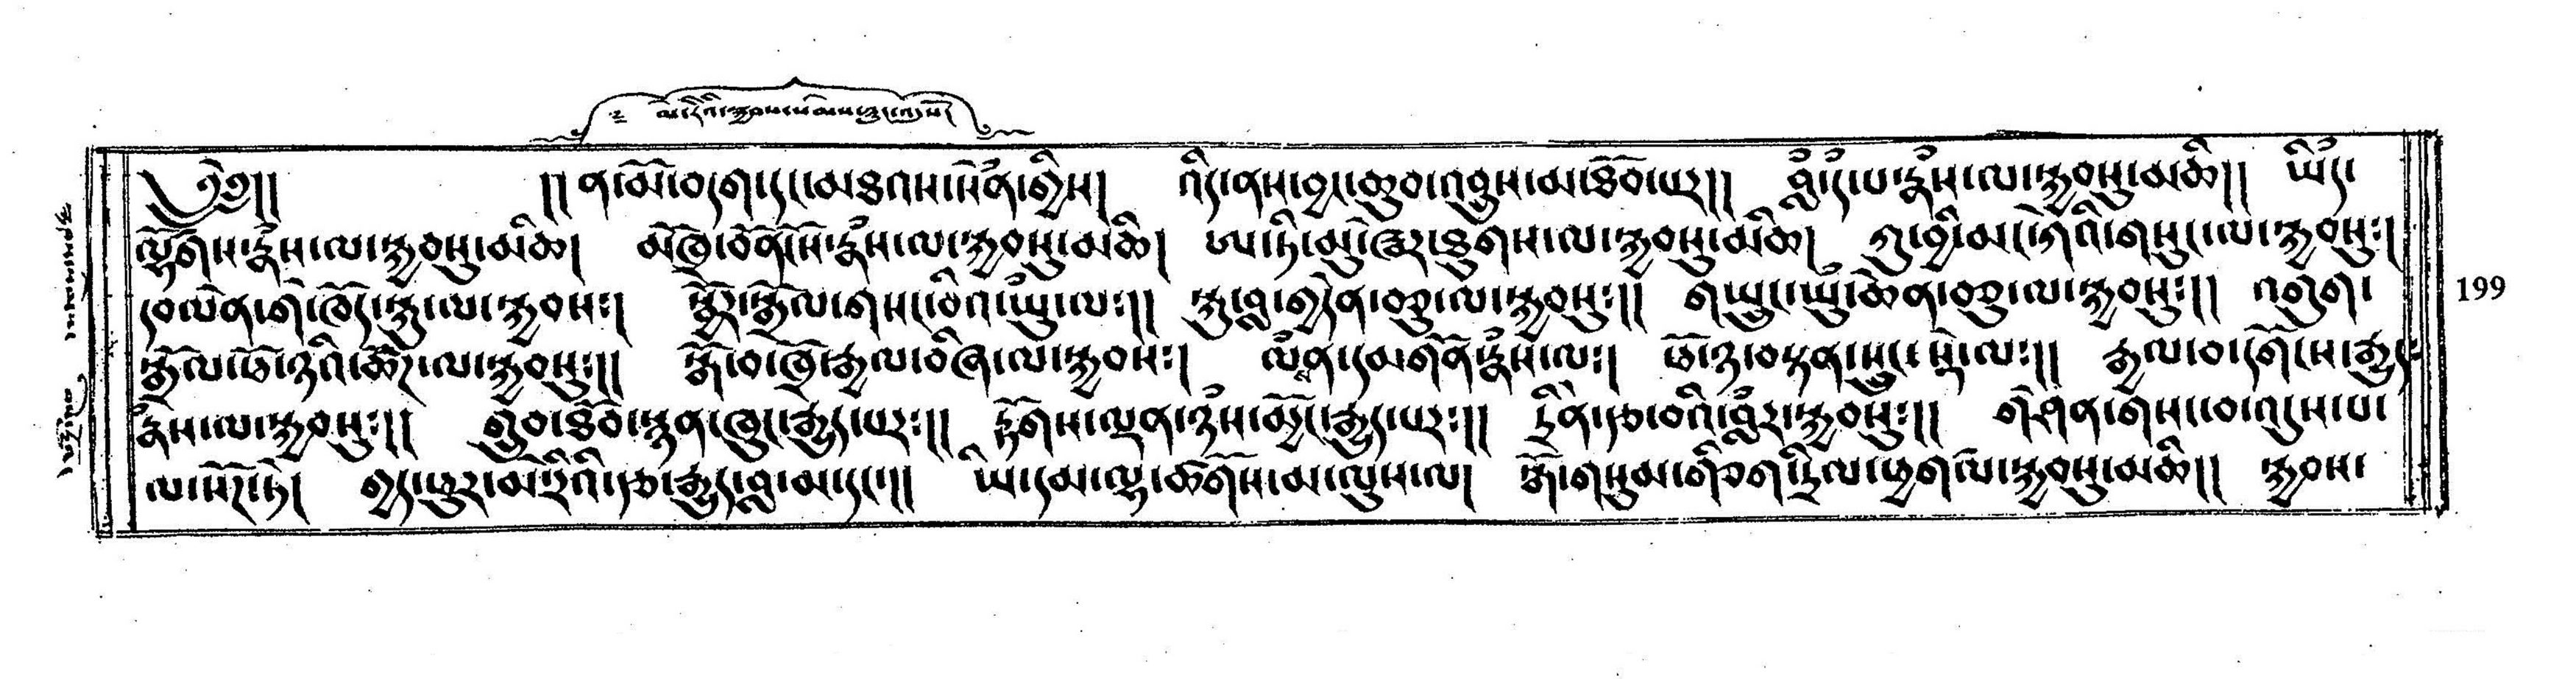༅།། །།ན་མོ་བདག་དང་མཐའ་ཡས་སེམས་ཅན་གྱིས། འདི་ནས་བྱང་ཆུབ་འབྲས་བུ་མ་ཐོབ་བར།། བླ་མ་དམ་རྣམས་ལ་སྐྱབས་སུ་མཆི།། ཡི་དམ་
ལྷ་ཚོགས་རྣམས་ལ་སྐྱབས་སུ་མཆི། མཁའ་འགྲོ་བོན་སྐྱོངས་རྣམས་ལ་སྐྱབས་སུ་མཆི། ཨ་ཏི་མུ་ཝེར་ཐུགས་ལ་སྐྱབས་སུ་མཆི། ཀུ་བྱི་མང་ཀེའི་གསུང་ལ་སྐྱབས་སུ༴། 
དབལ་ཆེན་གེ་ཁོད་སྐུ་ལ་སྐྱབས༴། སྦྱོར་སྒྲོལ་གསང་བའི་ཡུམ་ལ༴།། སྐུ་བླ་གྱད་ཆེན་བཅུ་ལ་སྐྱབས་སུ༴།། གཡུང་དྲུང་ཡུམ་ཆེན་བཅུ་ལ་སྐྱབས་སུ༴།། འགུག་
སྒྲོལ་ཕོ་ཉའི་ཚོགས་ལ་སྐྱབས་སུ༴།། སྒོ་བ་ཁྲོ་རྒྱལ་བཞི་ལ་སྐྱབས༴། ལས་མཁན་དམག་དཔོན་རྣམས་ལ༴། ཕོ་ཉ་བསྟན་སྲུང་སྡེ་ལ༴།། རྒྱལ་བ་དགོངས་རྒྱུད་
རྣམས་ལ་སྐྱབས་སུ༴།། གྲུབ་ཐོབ་སྙན་ཁུང་རྒྱུད་པར༴།། རྟོགས་ལྡན་ཉམས་མྱོང་རྒྱུད་པར༴།། དྲིན་ཆེན་རྩ་བའི་བླ་མར་སྐྱབས་སུ༴།། གཤེན་གསང་བ་འདུས་པ་
ལ་སོགས་ཏེ། གྱད་ཕུར་མེ་རིའི་རྩ་རྒྱུད་བླ་མ་དང་།། ཡི་དམ་ལྷ་ཚོགས་མ་ལུས་ལ། སྒོ་གསུམ་གཅིག་དྲིལ་ཕྱག་འཚལ་སྐྱབས་སུ་མཆི།། སྐྱབས་